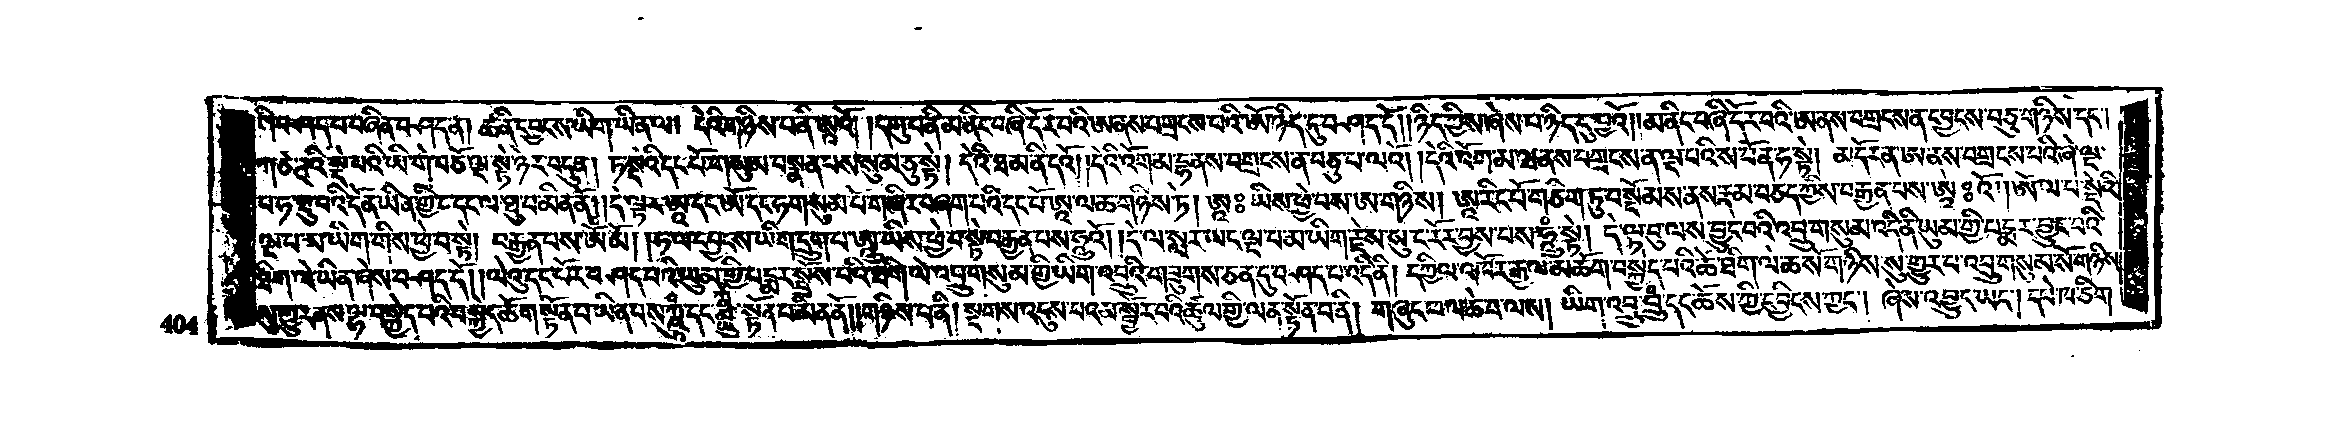གི་བཤད་པ་བཞིན་བཤད་ན། ཆ་ནི་དབྱངས་ཡིག་ཡིན་ལ། དེའི་གཉིས་པ་ནི་ཨཱའོ། །དགུ་པ་ནི་མ་ནིང་བཞི་དོར་བའི་ཨ་ནས་བགྲངས་པའི་ཨོ་ཉིད་དུ་བཤད་དོ། །ཉིད་ཀྱིས་ཞེས་པ་ཉིད་དུ་བྱའོ། །མ་ནིང་བཞི་དོར་བའི་ཨ་ནས་བགྲངས་ན་དབྱངས་བཅུ་གཉིས་དང་།
ཀ་ཙ་ཊའི་སྡེ་པའི་ཡི་གེ་བཅོ་ལྔ་སྟེ་ཉེར་བདུན། ཏ་སྡེའི་དང་པོ་གསུམ་བསྣན་པས་སུམ་ཅུ་སྟེ། དེའི་ཐ་མ་ནི་དའོ། །དེའི་འོག་མ་དྷ་ནས་བགྲངས་ན་བཅུ་པ་ལའོ། །དེའི་འོག་མ་ཝ་ནས་བགྲངས་ན་ལྔ་པའི་ས་བོན་ཧ་སྟེ། མདོར་ན་ཨ་ནས་བགྲངས་པའི་ཞེ་ལྔ་
པ་ཧ་ཐུ་བའི་དོན་ཡིན་གྱི་ང་དང་ལ་ཐུ་བ་མིན་ནོ། །དེ་ལྟར་ཨཱ་དང་ཨོ་དང་ཧ་གསུམ་པོ་གཞིར་བཞག་པའི་དང་པོ་ཨཱ་ལ་ཆ་གཉིས་ཏེ། ཨཱཿ ཡིས་ཕྱེ་བས་ཨ་གཉིས། ཨཱ་རིང་པོ་གཅིག་ཏུ་བསྡོམས་ནས་རྣམ་བཅད་ཀྱིས་བརྒྱན་པས་ཨཱཿ འོ། །ཨོ་ལ་པ་སྡེའི་
ལྔ་པ་མ་ཡིག་གིས་ཕྱེ་བ་སྟེ། བརྒྱན་པས་ཨོཾ་མོ། །ཧ་ལ་དབྱངས་ཡིག་དྲུག་པ་ཨཱུ་ཡིས་ཕྱེ་བ་སྟེ་བརྒྱན་པས་ཧཱུའོ། །དེ་ལ་སྔར་ཡང་ལྔ་པ་མ་ཡིག་རྗེས་སུ་ང་རོར་བྱས་པས་ཧཱུཾ་སྟེ། དེ་ལྟ་བུ་ལས་བྱུང་བའི་འབྲུ་གསུམ་འདི་ནི་ཡུམ་གྱི་པདམར་བྱུང་བའི་
ཐིག་ལེ་ཡིན་ཞེས་བཤད་དོ། །ལེའུ་དང་པོར་བཤད་པའི་ཡུམ་གྱི་པདམར་སྤྲོས་པའི་ཐིག་ལེ་འབྲུ་གསུམ་གྱི་ཡིག་འབྲུའི་གཟུགས་ཅན་དུ་བཤད་པ་འདི་ནི། དཀྱིལ་འཁོར་རྒྱལ་མཆོག་བསྐྱེད་པའི་ཚེ་ཐིག་ལེ་ཆ་སོ་གཉིས་སུ་གྱུར་པ་འབྲུ་གསུམ་སོ་གཉིས་
སུ་གྱུར་ནས་ལྷ་བསྐྱེད་པའི་བསྐྱེད་ཆོག་སྟོན་པ་ཡིན་པས་ཀྵཱུཾ་དང་ཀྵྨྱུཾ་སྟོན་པ་མིན་ནོ། །གཉིས་པ་ནི། སྔགས་འདུས་པའམ་སྦྱོར་བའི་ཚུལ་གྱི་ལན་སྟོན་པ་ནི། གཞུང་ཕལ་ཆེ་བ་ལས། ཡིག་འབྲུ་བྲུཾ་དང་ཆོས་ཀྱི་དབྱིངས་ཀྱང་། ཞེས་འབྱུང་ཡང་། དཔེ་ཁ་ཅིག་